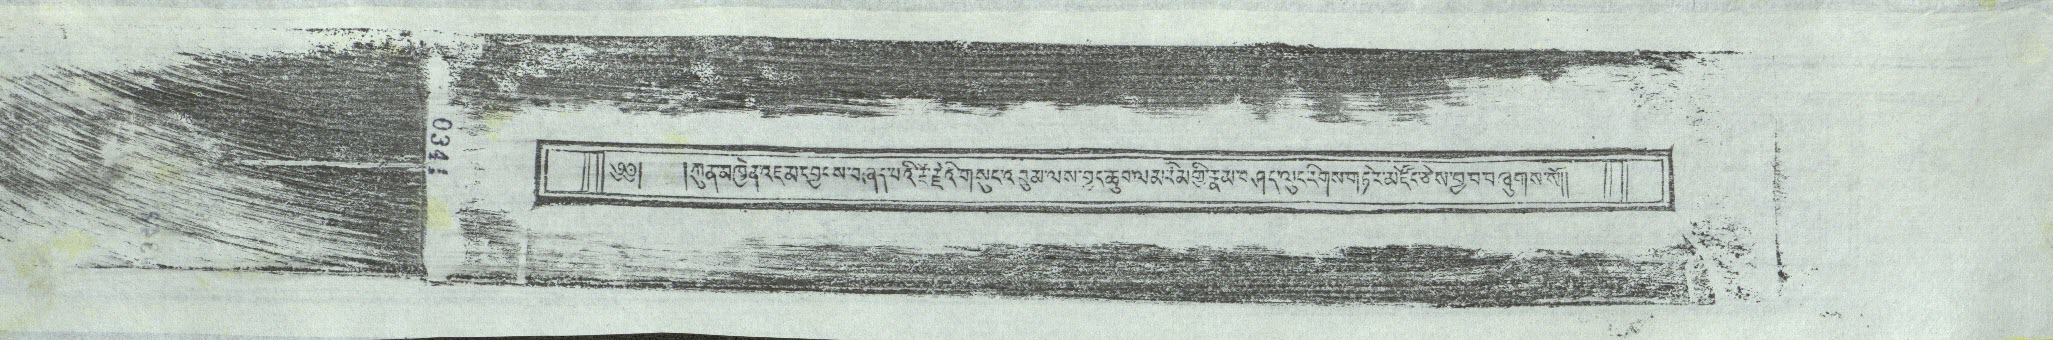༄༅། །ཀུན་མཁྱེན་འཇམ་དབྱངས་བཞད་པའི་རྡོ་རྗེའི་གསུངས་འབུམ་ལས་བྱང་ཆུབ་ལམ་རིམ་གྱི་རྣམ་བཤད་ལུང་རིགས་གཏེར་མཛོད་ཅེས་བྱ་བ་བཞུགས་སུ།།